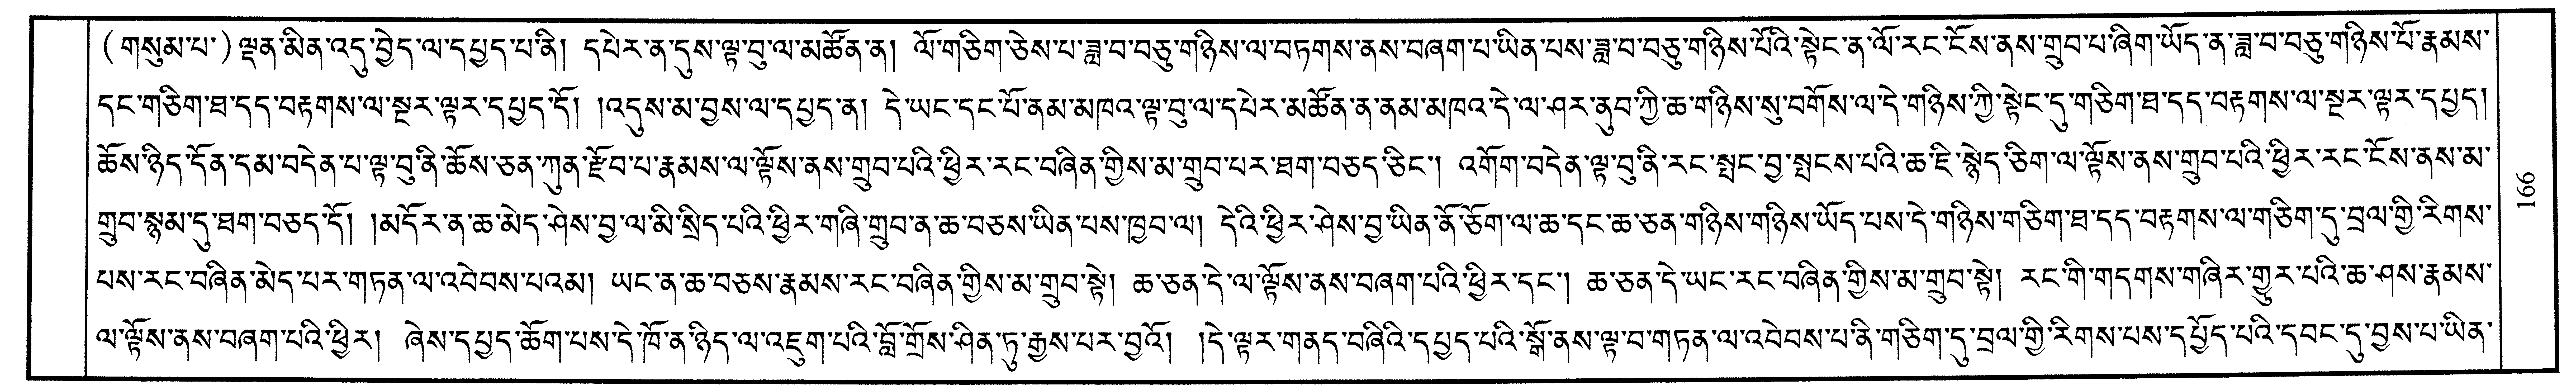གསུམ་པ་ལྡན་མིན་འདུ་བྱེད་ལ་དཔྱད་པ་ནི། དཔེར་ན་དུས་ལྟ་བུ་ལ་མཚོན་ན། ལོ་གཅིག་ཅེས་པ་ཟླ་བ་བཅུ་གཉིས་ལ་བཏགས་ནས་བཞག་པ་ཡིན་པས་ཟླ་བ་བཅུ་གཉིས་པོའི་སྟེང་ན་ལོ་རང་ངོས་ནས་གྲུབ་པ་ཞིག་ཡོད་ན་ཟླ་བ་བཅུ་གཉིས་པོ་རྣམས་
དང་གཅིག་ཐ་དད་བརྟགས་ལ་སྔར་ལྟར་དཔྱད་དོ། །འདུས་མ་བྱས་ལ་དཔྱད་ན། དེ་ཡང་དང་པོ་ནམ་མཁའ་ལྟ་བུ་ལ་དཔེར་མཚོན་ན་ནམ་མཁའ་དེ་ལ་ཤར་ནུབ་ཀྱི་ཆ་གཉིས་སུ་བགོས་ལ་དེ་གཉིས་ཀྱི་སྟེང་དུ་གཅིག་ཐ་དད་བརྟགས་ལ་སྔར་ལྟར་དཔྱད།
ཆོས་ཉིད་དོན་དམ་བདེན་པ་ལྟ་བུ་ནི་ཆོས་ཅན་ཀུན་རྫོབ་པ་རྣམས་ལ་ལྟོས་ནས་གྲུབ་པའི་ཕྱིར་རང་བཞིན་གྱིས་མ་གྲུབ་པར་ཐག་བཅད་ཅིང་། འགོག་བདེན་ལྟ་བུ་ནི་རང་སྤང་བྱ་སྤངས་པའི་ཆ་ཇི་སྙེད་ཅིག་ལ་ལྟོས་ནས་གྲུབ་པའི་ཕྱིར་རང་ངོས་ནས་མ་
གྲུབ་སྙམ་དུ་ཐག་བཅད་དོ། །མདོར་ན་ཆ་མེད་ཤེས་བྱ་ལ་མི་སྲིད་པའི་ཕྱིར་གཞི་གྲུབ་ན་ཆ་བཅས་ཡིན་པས་ཁྱབ་ལ། དེའི་ཕྱིར་ཤེས་བྱ་ཡིན་ནོ་ཅོག་ལ་ཆ་དང་ཆ་ཅན་གཉིས་གཉིས་ཡོད་པས་དེ་གཉིས་གཅིག་ཐ་དད་བརྟགས་ལ་གཅིག་དུ་བྲལ་གྱི་རིགས་
པས་རང་བཞིན་མེད་པར་གཏན་ལ་འབེབས་པའམ། ཡང་ན་ཆ་བཅས་རྣམས་རང་བཞིན་གྱིས་མ་གྲུབ་སྟེ། ཆ་ཅན་དེ་ལ་ལྟོས་ནས་བཞག་པའི་ཕྱིར་དང་། ཆ་ཅན་དེ་ཡང་རང་བཞིན་གྱིས་མ་གྲུབ་སྟེ། རང་གི་གདགས་གཞིར་གྱུར་པའི་ཆ་ཤས་རྣམས་
ལ་ལྟོས་ནས་བཞག་པའི་ཕྱིར། ཞེས་དཔྱད་ཆོག་པས་དེ་ཁོ་ན་ཉིད་ལ་འཇུག་པའི་བློ་གྲོས་ཤིན་ཏུ་རྒྱས་པར་བྱའོ། །དེ་ལྟར་གནད་བཞིའི་དཔྱད་པའི་སྒོ་ནས་ལྟ་བ་གཏན་ལ་འབེབས་པ་ནི་གཅིག་དུ་བྲལ་གྱི་རིགས་པས་དཔྱོད་པའི་དབང་དུ་བྱས་པ་ཡིན་